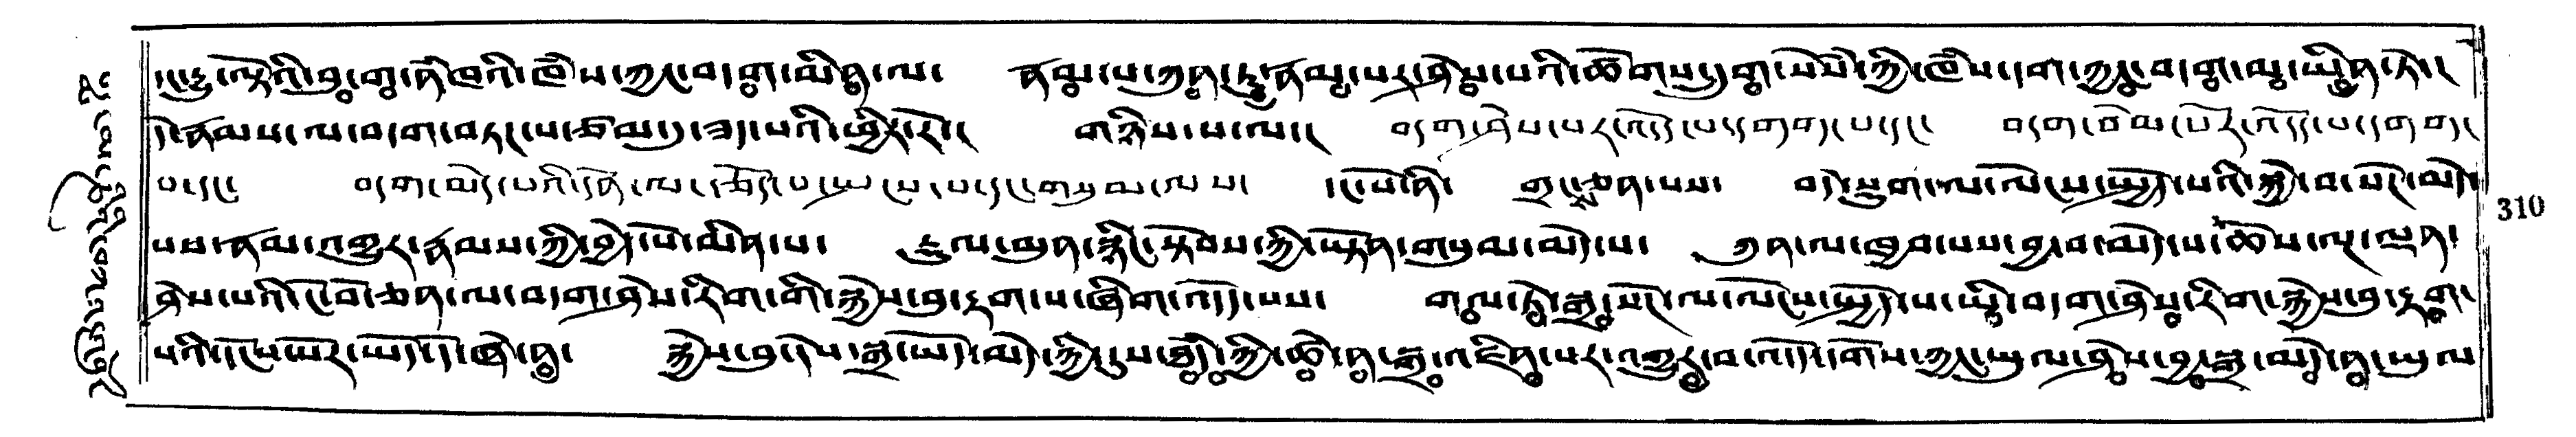དང་རྒྱུ་ལྟོའི་བུ་ག་ནམ་མཁའི་ཁམས་ཀྱང་བདག་མིན་ལ། རྣམ་པ་ཀུན་ཏུ་རྣམ་པར་ཤེས་པའི་ཚོགས་དྲུག་སེམས་ཀྱི་ཁམས་དག་ཀྱང་བདག་མ་ཡིན་ཏེ། 
དེ་རྣམས་ལ་བདག་བཏགས་པ་ཙམ་དུ་ཟད་པའི་ཕྱིར་རོ། གཉིས་པ་ལ། བདག་ཤེས་པར་འདོད་པ་དགག་པ་དང་། བདག་བེམ་པོར་འདོད་པ་དགག་
པ་དང་། བདག་མེད་པའི་དོན་ལ་རྩོད་པ་སྤོང་པ་དང་གསུམ་ལས། དང་པོ་ནི། གྲངས་ཅན་པས། བདེ་སྡུག་ལ་ལོངས་སྤྱོད་པའི་སྐྱེ་བ་སོགས་མེད་
པས་རྣམ་འགྱུར་རྣམས་ཀྱི་བྱེད་པོ་མིན་པ། རྡུལ་མུན་སྙིང་སྟོབས་ཀྱི་ཡོན་ཏན་གསུམ་མེད་པ། ཀུན་ལ་ཁྱབ་པས་བྱ་བ་མེད་པ་ཆོས་ལྔ་ལྡན་
ཤེས་པའི་ངོ་བོ་ཅན་ལ་བདག་ཤེས་རིག་གི་སྐྱེས་བུ་རྟག་པ་ཞིག་འདོད་པས། གལ་ཏེ་སྒྲ་སོགས་ལ་ལོངས་སྤྱོད་པ་ཡི་བདག་ཤེས་རིག་གི་སྐྱེས་བུ་རྟག་
པའི་དངོས་པོར་ཡོད་དོ་ཞེ་ན། སྐྱེས་བུ་དེས་སྒྲ་ཡོད་མེད་ཀྱི་དུས་ཐམས་ཅད་ཀྱི་ཚེ་ན་སྒྲ་འཛིན་པར་འགྱུར་བ་འདོད་དགོས་ཀྱང་ཡུལ་ཤེས་བྱ་སྒྲ་མེད་ན་ཡུལ་